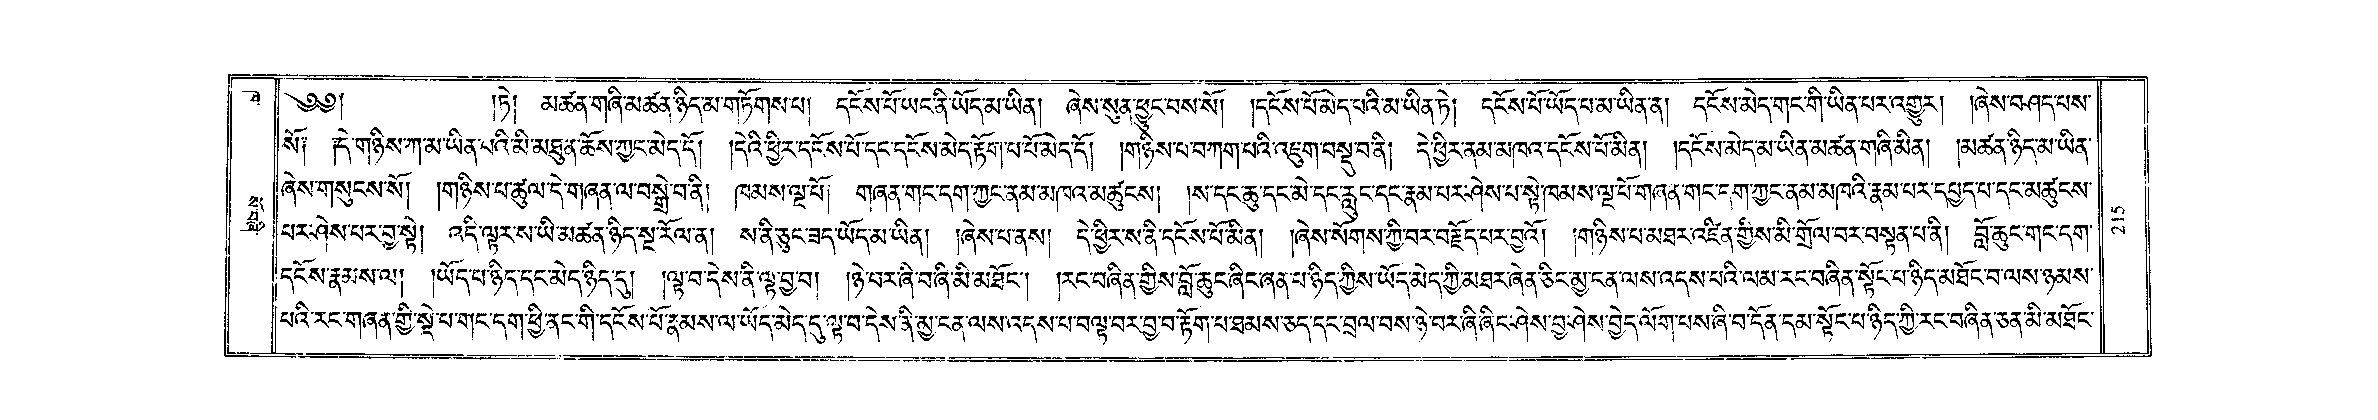༄༅། །ཏེ། མཚན་གཞི་མཚན་ཉིད་མ་གཏོགས་པ། དངོས་པོ་ཡང་ནི་ཡོད་མ་ཡིན། ཞེས་སུན་ཕྱུང་བས་སོ། །དངོས་པོ་མེད་པའི་མ་ཡིན་ཏེ། དངོས་པོ་ཡོད་པ་མ་ཡིན་ན། དངོས་མེད་གང་གི་ཡིན་པར་འགྱུར། །ཞེས་བཤད་པས་
སོ༑ ༑དེ་གཉིས་ཀ་མ་ཡིན་པའི་མི་མཐུན་ཆོས་ཀྱང་མེད་དོ། །དེའི་ཕྱིར་དངོས་པོ་དང་དངོས་མེད་རྟོག་པ་པོ་མེད་དོ། །གཉིས་པ་བཀག་པའི་འཇུག་བསྡུ་བ་ནི། དེ་ཕྱིར་ནམ་མཁའ་དངོས་པོ་མིན། །དངོས་མེད་མ་ཡིན་མཚན་གཞི་མིན། །མཚན་ཉིད་མ་ཡིན་
ཞེས་གསུངས་སོ། །གཉིས་པ་ཚུལ་དེ་གཞན་ལ་བསྒྲེ་བ་ནི། ཁམས་ལྔ་པོ། གཞན་གང་དག་ཀྱང་ནམ་མཁའ་མཚུངས། །ས་དང་ཆུ་དང་མེ་དང་རླུང་དང་རྣམ་པར་ཤེས་པ་སྟེ་ཁམས་ལྔ་པོ་གཞན་གང་དག་ཀྱང་ནམ་མཁའི་རྣམ་པར་དཔྱད་པ་དང་མཚུངས་
པར་ཤེས་པར་བྱ་སྟེ། འདི་ལྟར་ས་ཡི་མཚན་ཉིད་སྔ་རོལ་ན། ས་ནི་ཅུང་ཟད་ཡོད་མ་ཡིན། །ཞེས་པ་ནས། དེ་ཕྱིར་ས་ནི་དངོས་པོ་མིན། །ཞེས་སོགས་ཀྱི་བར་བརྗོད་པར་བྱའོ། །གཉིས་པ་མཐར་འཛིན་གྱིས་མི་གྲོལ་བར་བསྟན་པ་ནི། བློ་ཆུང་གང་དག་
དངོས་རྣམས་ལ། །ཡོད་པ་ཉིད་དང་མེད་ཉིད་དུ། །ལྟ་བ་དེས་ནི་ལྟ་བྱ་བ། །ཉེ་བར་ཞི་བ་ཞི་མི་མཐོང་། །རང་བཞིན་གྱིས་བློ་ཆུང་ཞིང་ཞན་པ་ཉིད་ཀྱིས་ཡོད་མེད་ཀྱི་མཐར་ཞེན་ཅིང་མྱ་ངན་ལས་འདས་པའི་ལམ་རང་བཞིན་སྟོང་པ་ཉིད་མཐོང་བ་ལས་ཉམས་
པའི་རང་གཞན་གྱི་སྡེ་པ་གང་དག་ཕྱི་ནང་གི་དངོས་པོ་རྣམས་ལ་ཡོད་མེད་དུ་ལྟ་བ་དེས་ནི་མྱ་ངན་ལས་འདས་པ་བལྟ་བར་བྱ་བ་རྟོག་པ་ཐམས་ཅད་དང་བྲལ་བས་ཉེ་བར་ཞི་ཞིང་ཤེས་བྱ་ཤེས་བྱེད་ལོག་པས་ཞི་བ་དོན་དམ་སྟོང་པ་ཉིད་ཀྱི་རང་བཞིན་ཅན་མི་མཐོང་